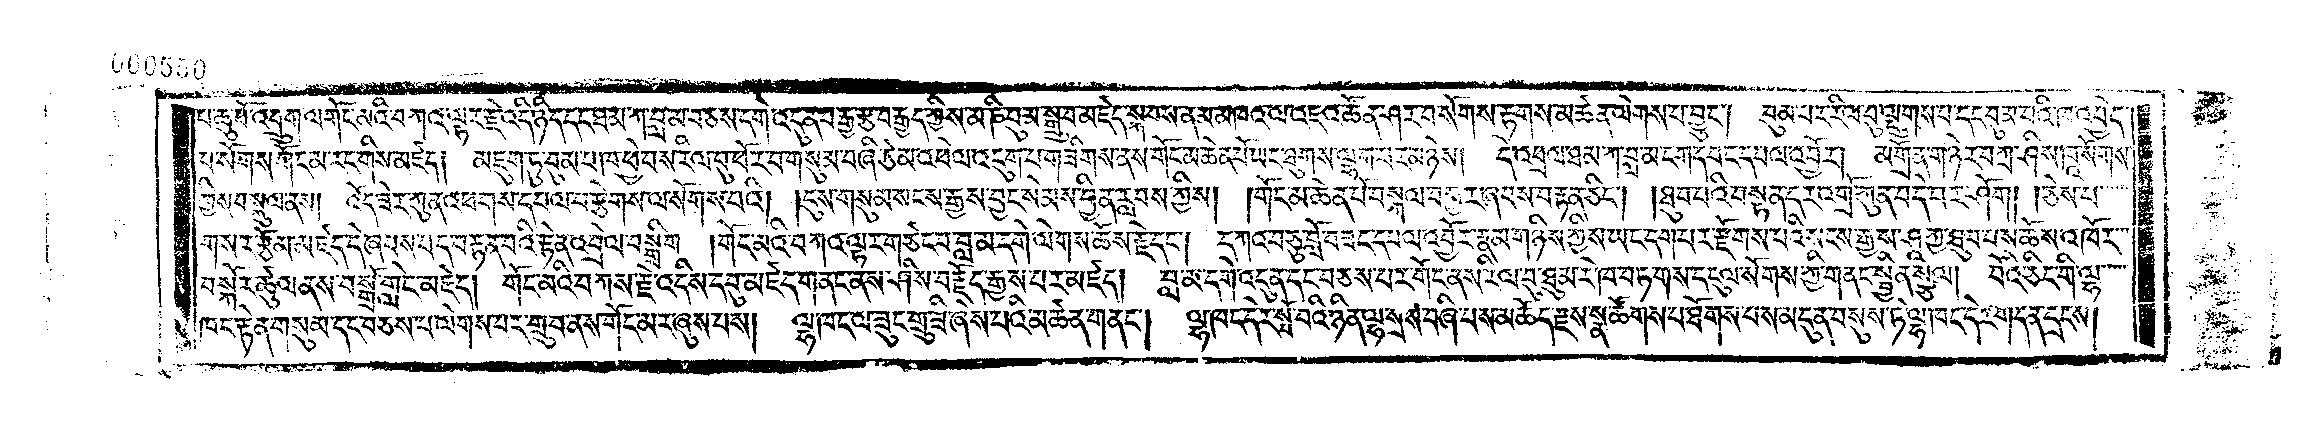བ་ཆུ་ཕོ་འབྲུག་ལ་གོང་མའི་བཀའ་ལྟར་རྗེ་འདི་ཉིད་དང་ཐམ་ཀ་བླ་མ་བཅས་དགེ་འདུན་བརྒྱ་རྩ་བརྒྱད་ཀྱིས་མ་ཎི་བུམ་སྒྲུབ་མཛད་སྐབས་ནམ་མཁའ་ལ་འཇའ་ཚོན་ཤར་བ་སོགས་རྟགས་མཚན་ལེགས་པ་བྱུང་། བུམ་པར་རིལ་བུ་ལྡུགས་པ་དང་བུམ་པའི་ཁ་འབྱེད་
པ་སོགས་གོང་མ་རང་གིས་མཛད། མཇུག་ཏུ་བུམ་པ་ཁ་ཕྱེ་བས་རིལ་བུ་ཕོར་བ་གསུམ་བཞི་ཙམ་འཕེལ་འདུག་པ་གཟིགས་ནས་གོང་མ་ཆེན་པོ་ཡང་ཐུགས་ལྷག་པར་མཉེས། དེ་འཕྲལ་ཐམ་ཀ་བླ་མ་ངག་དབང་དཔལ་འབྱོར། མགྲོན་གཉེར་བཀྲ་ཤིས་ཁཱ་སོགས་
ཀྱིས་བསྐུལ་ནས། འོད་ཟེར་ཀུན་འཕགས་དཔལ་བརྩེགས་ལ་སོགས་པའི། །དུས་གསུམ་སངས་རྒྱས་བྱང་སེམས་བྱིན་རླབས་ཀྱིས། །གོང་མ་ཆེན་པོ་བསྐལ་བརྒྱར་ཞབས་བརྟན་ཅིང་། །ཐུབ་པའི་བསྟན་དར་འགྲོ་ཀུན་བདེ་བར་ཤོག། །ཅེས་པ་
གསར་རྩོམ་མཛད་དེ་ཞབས་པད་བརྟན་པའི་རྟེན་འབྲེལ་བསྒྲིག །གོང་མའི་བཀའ་ལྟར་གཙང་བ་བླ་མ་དགེ་ལེགས་ཆོས་རྗེ་དང་། དཀའ་བཅུ་བློ་བཟང་དཔལ་འབྱོར་རྣམ་གཉིས་ཀྱིས་ཡང་དག་པར་རྫོགས་པའི་སངས་རྒྱས་ཤཱཀྱ་ཐུབ་པས་ཆོས་འཁོར་
བསྐོར་ཚུལ་ནས་བསྒྲོ་གླེང་མཛད། གོང་མའི་བཀས་རྗེ་འདིས་དབུ་མཛད་གནང་ནས་ཤིས་བརྗོད་རྒྱས་པར་མཛད། བླ་མ་དགེ་འདུན་དང་བཅས་པར་གོང་ནས་རིལ་བུ་ཐུམ་རེ་ཁ་བཏགས་དངུལ་སོགས་ཀྱི་གནང་སྦྱིན་སྩལ། བེའི་ཅིང་གི་ལྷ་
ཁང་རྟེན་གསུམ་དང་བཅས་པ་ལེགས་པར་གྲུབ་ནས་གོང་མར་ཞུས་པས། ལྷ་ཁང་ལ་ཟུང་གྲུ་ཟི་ཞེས་པའི་མཚན་གནང་། ལྷ་ཁང་དེར་སྤོ་པའི་ཉིན་ལྷ་སྲས་བཞི་པས་མཆོད་རྫས་སྣ་ཚོགས་པ་ཐོགས་པས་མདུན་བསུས་ཏེ་ལྷ་ཁང་དེར་གདན་དྲངས།